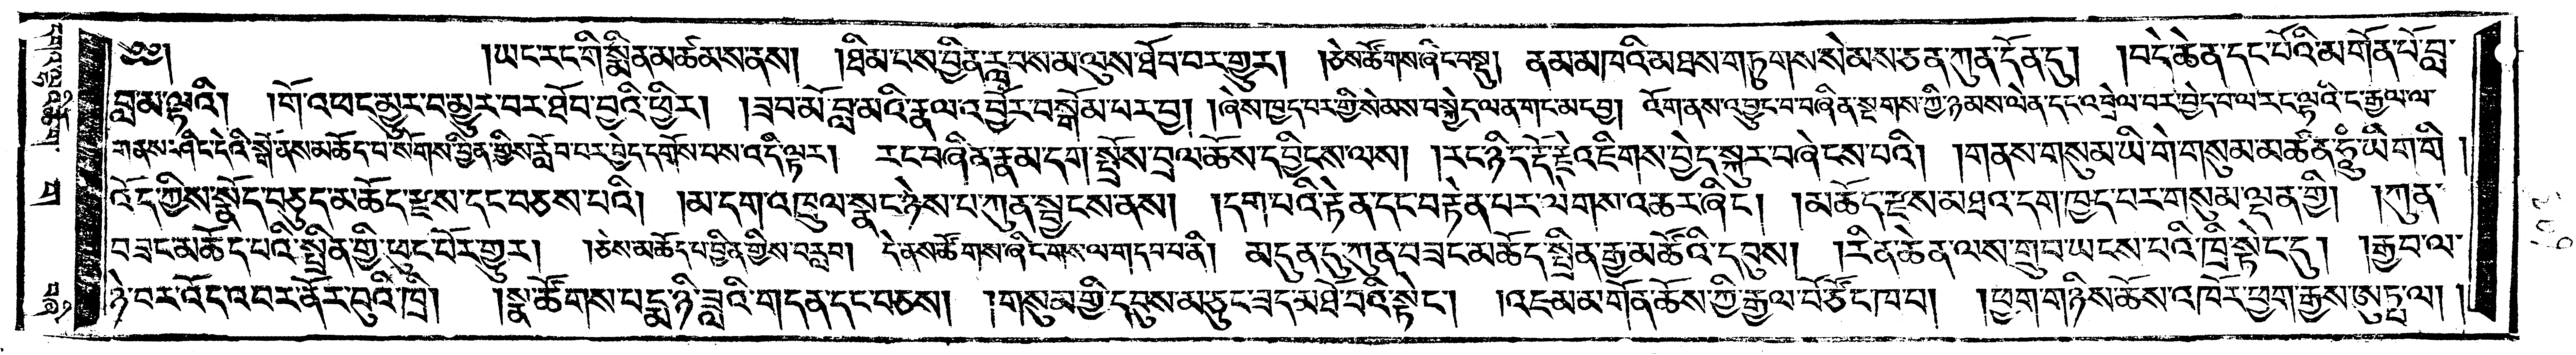༄༅། །ཡང་རང་གི་སྨིན་མཚམས་ནས། །ཐིམ་པས་བྱིན་རླབས་མ་ལུས་ཐོབ་པར་གྱུར། །ཅེས་ཚོགས་ཞིང་བསྡུ།  ནམ་མཁའི་མཐས་གཏུགས་སེམས་ཅན་ཀུན་དོན་དུ། །བདེ་ཆེན་དང་པོའི་མགོན་པོ་བླ་
བླ་མ་ལྷའི། །གོ་འཕང་མྱུར་བ་མྱུར་བར་ཐོབ་བྱའི་ཕྱིར། །ཟབ་མོ་བླ་མའི་རྣལ་འབྱོར་བསྒོམ་པར་བྱ། །ཞེས་ཁྱད་པར་གྱི་སེམས་བསྐྱེད་ལན་གང་མང་བྱ། འོག་ནས་འབྱུང་བ་བཞིན་སྔགས་ཀྱི་ཉམས་ལེན་དང་འབྲེལ་བར་བྱེད་པ་ལ་རང་ལྷའི་ང་རྒྱལ་ལ་
གནས་ཤིང་དེའི་སྒོ་ནས་མཆོད་པ་སོགས་བྱིན་གྱིས་རློབ་བྱར་བྱེད་དགོས་པས་འདི་ལྟར། རང་བཞིན་རྣམ་དག་སྤྲོས་བྲལ་ཆོས་དབྱིངས་ལས། །རང་ཉིད་རྡོ་རྗེ་འཇིགས་བྱེད་སྐུར་བཞེངས་པའི། །གནས་གསུམ་ཡི་གེ་གསུམ་མཚན་ཧཱུཾ་ཡིག་གི །
འོད་ཀྱིས་སྣོད་བཅུད་མཆོད་རྫས་དང་བཅས་པའི། །མ་དག་འཁྲུལ་སྣང་ཉེས་པ་ཀུན་སྦྱངས་ནས། །དག་པའི་རྟེན་དང་བརྟེན་པར་ལེགས་འཆར་ཞིང་། །མཆོད་རྫས་མཐའ་དག་ཁྱད་པར་གསུམ་ལྡན་གྱི། །ཀུན་
བཟང་མཆོད་བའི་སྤྲིན་གྱི་ཕུང་པོར་གྱུར། །ཅེས་མཆོད་བ་བྱིན་གྱིས་བརླབ། དེ་ནས་ཚོགས་ཞིང་གསལ་གདབ་པ་ནི།  མདུན་དུ་ཀུན་བཟང་མཆོད་སྤྲིན་རྒྱ་མཚོའི་དབུས། །རིན་ཆེན་ལས་གྲུབ་ཡངས་པའི་ཁྲི་སྟེང་དུ། །རྒྱབ་ལ་
ཉེ་བར་འོད་འབར་ནོར་བུའི་ཁྲི། །སྣ་ཚོགས་པདམ་ཉི་ཟླའི་གདན་དང་བཅས། །གསུམ་གྱི་དབུས་མ་ཅུང་ཟད་མཐོ་བའི་སྟེང་། །འཇམ་མགོན་ཆོས་ཀྱི་རྒྱལ་པོ་ཙོང་ཁ་པ། །ཕྱག་གཉིས་ཆོས་འཁོར་ཕྱག་རྒྱས་ཨུཏྤ་ལ། །